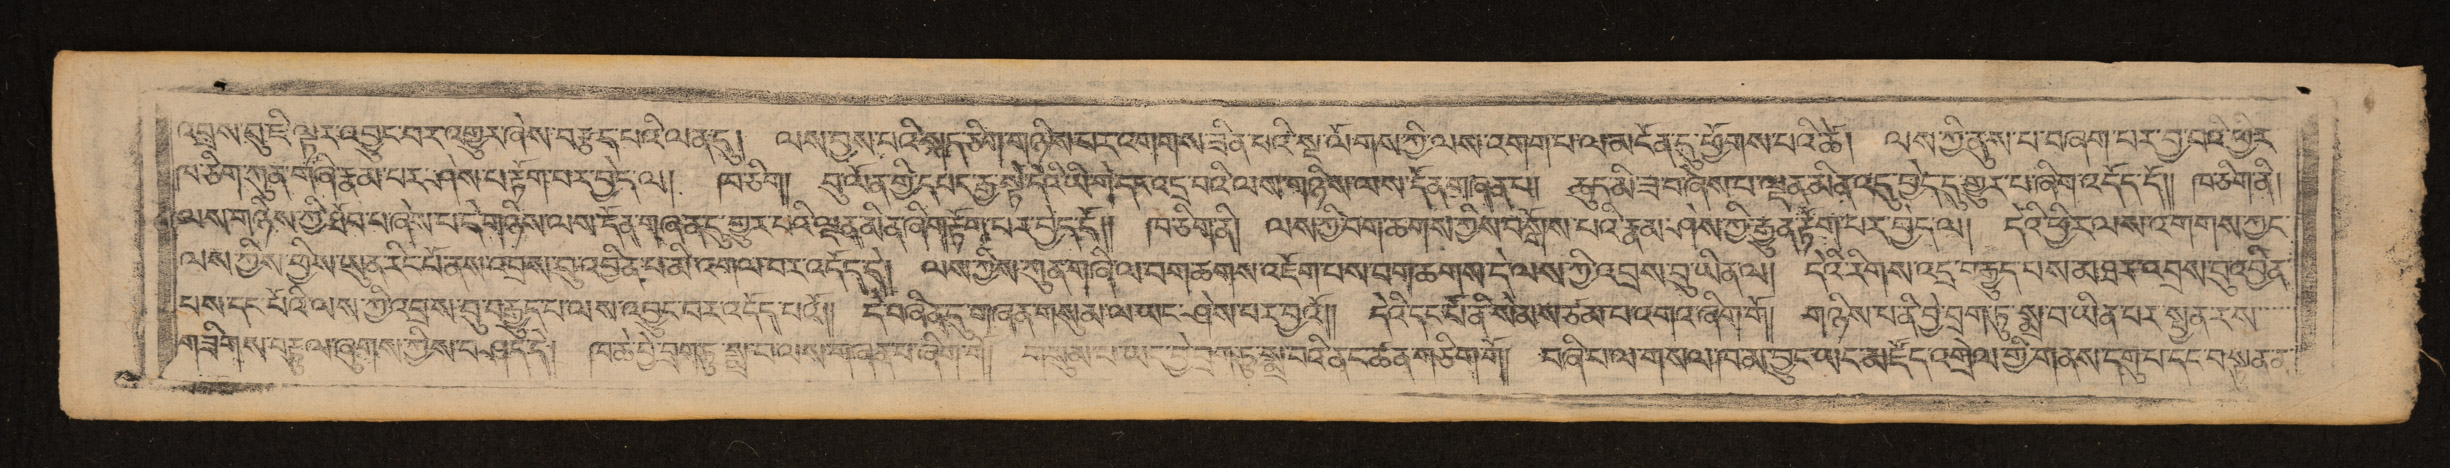འབྲས་བུ་ཇི་ལྟར་འབྱུང་བར་འགྱུར་ཞེས་བརྩད་པའི་ལན་དུ། ལས་བྱས་པའི་སྐད་ཅིག་གཉིས་པར་འགགས་ཟིན་པའི་སྔ་ལོགས་ཀྱི་ལས་འགག་པ་ལ་མངོན་དུ་ཕྱོགས་པའི་ཚེ། ལས་ཀྱི་ནུས་པ་བཞག་པར་བྱ་བའི་ཕྱིར་
ཁ་ཅིག་ཀུན་གཞི་རྣམ་པར་ཤེས་པ་རྟོག་པར་བྱེད་ལ། ཁ་ཅིག། བུ་ལོན་གྱི་དབང་རྒྱ་སྟེ་དེའི་ཡི་གེ་དང་འདྲ་བའི་ལས་གཉིས་ལས་དོན་གཞན་པ། ཆུད་མི་ཟ་བ་ཞེས་པ་ལྡན་མིན་འདུ་བྱེད་དུ་གྱུར་པ་ཞིག་འདོད་དོ།། ཁ་ཅིག་ནི་
ལས་གཉིས་ཀྱི་ཐོབ་པ་ཞེས་པ་དེ་གཉིས་ལས་དོན་གཞན་དུ་གྱུར་པའི་ལྡན་མིན་ཞིག་རྟོག་པར་བྱེད་དོ།། ཁ་ཅིག་ནི། ལས་ཀྱི་བག་ཆགས་ཀྱིས་བསྒོས་པའི་རྣམ་ཤེས་ཀྱི་རྒྱུན་རྟོག་པར་བྱེད་ལ། དེའི་ཕྱིར་ལས་འགགས་ཀྱང་
ལས་ཀྱིས་ཕྱིས་ཡུན་རིང་པོ་ནས་འབྲས་བུ་འབྱིན་པ་མི་འགལ་བར་འདོད་དེ། ལས་ཀྱིས་ཀུན་གཞི་ལ་བག་ཆགས་འཇོག་པས་བག་ཆགས་དེ་ལས་ཀྱི་འབྲས་བུ་ཡིན་ལ། དེའི་རིགས་འདྲ་བརྒྱུད་པས་མཐར་འབྲས་བུ་འབྱིན་
པས་དང་པོའི་ལས་ཀྱི་འབྲས་བུ་བརྒྱུད་པ་ལས་འབྱུང་བར་འདོད་པའོ།། དེ་བཞིན་དུ་གཞན་གསུམ་ལ་ཡང་ཤེས་པར་བྱའོ།། དེའི་དང་པོ་ནི་སེམས་ཙམ་པ་འགའ་ཞིག་གོ། གཉིས་པ་ནི་བྱེ་བྲག་ཏུ་སྨྲ་བ་ཡིན་པར་སྤྱན་རས་
གཟིགས་བརྟུལ་ཞུགས་ཀྱིས་བཤད་དེ། ཁ་ཆེ་བྱེ་བྲག་ཏུ་སྨྲ་བ་ལས་གཞན་པ་ཞིག་གོ། གསུམ་པ་ཡང་བྱེ་བྲག་ཏུ་སྨྲ་བའི་ནང་ཚན་གཅིག་གོ། བཞི་པ་ལ་གསལ་ཁ་མ་བྱུང་ཡང་མཛོད་འགྲེལ་གྱི་གནས་དགུ་པ་དང་བསྟུན་ན་